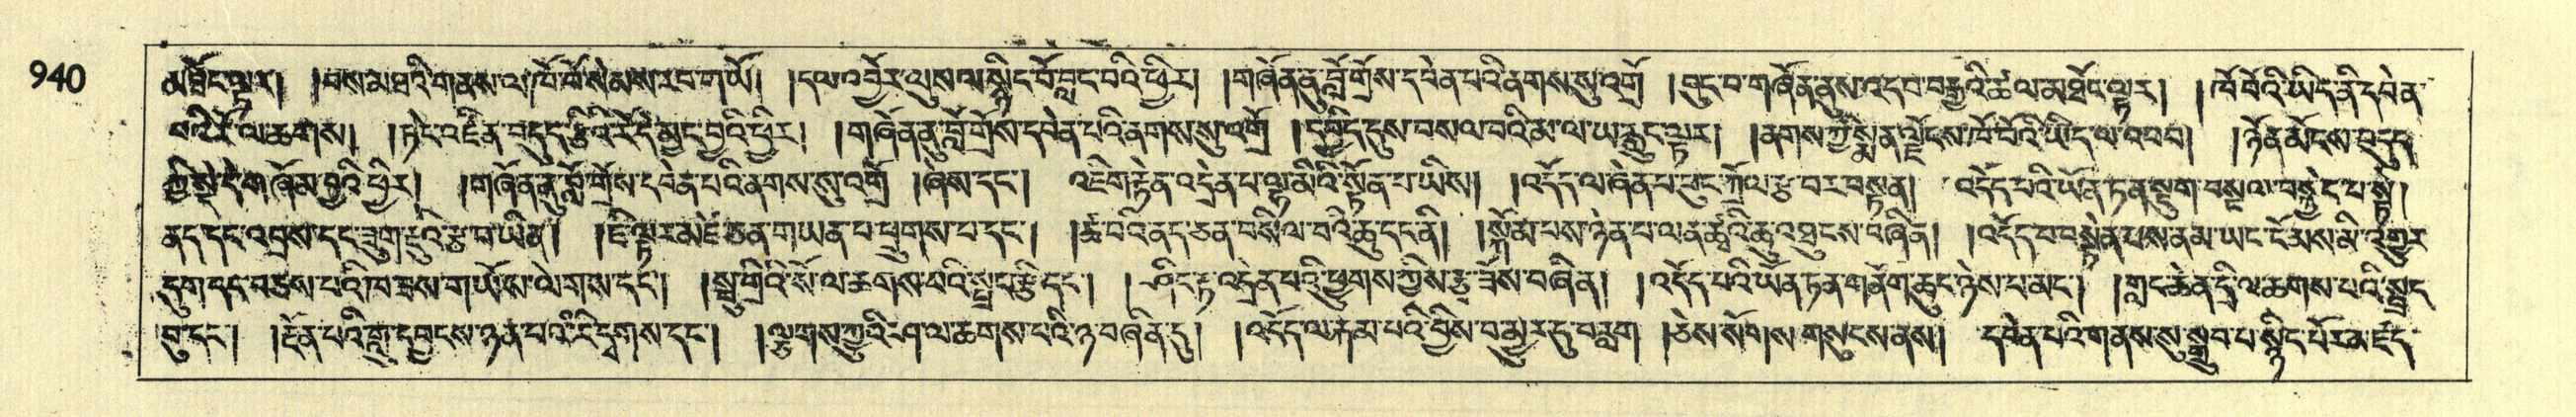མཐོང་ལྟར། །བས་མཐའི་གནས་ལ་ཁོ་བོ་སེམས་རབ་གཡོ། །དལ་འབྱོར་ལུས་ལ་སྙིང་བོ་བླང་བའི་ཕྱིར། །གཞོན་ནུ་བློ་གྲོས་དབེན་པའི་ནགས་སུ་འགྲོ་།བུང་བ་གཞོན་ནུས་འདབ་བརྒྱའི་ཚལ་མཐོང་ལྟར། །ཁོ་བོའི་ཡིད་ནི་དབེན་
བའི་རོ་ལ་ཆགས། །ཏེང་འཛིན་བདུད་རྩིའི་རོ་དེ་མྱང་བྱའི་ཕྱིར། །གཞོན་ནུ་བློ་གྲོས་དབེན་པའི་ནགས་སུ་འགྲོ་།དབྱིད་དུས་བསལ་བའི་མ་ལ་ཡ་རླུང་ལྟར། །ནགས་ཀྱི་སྨན་ལྗོངས་ཁོ་བོའི་ཡིད་ལ་འབབ། །ཉོན་མོངས་བདུད་
ཀྱི་སྡེ་དེ་གཞོམ་བྱའི་ཕྱིར། །གཞོན་ནུ་བློ་གྲོས་དབེན་པའི་ནགས་སུ་འགྲོ་།ཞེས་དང་། འཇིག་རྟེན་འདྲེན་པ་ལྷ་མིའི་སྟོན་པ་ཡིས། །འདོད་ལ་ཞེན་པ་ཕུང་ཀྲོལ་རྩ་བར་བསྟན། །འདོད་པའི་ཡོན་ཏན་སྡུག་བསྔལ་བསྐྱེང་པ་སྟེ།
ནད་དང་འབྲས་དང་ཟུག་རྡུའི་རྩ་བ་ཡིན། །ཇི་ལྟར་མཛེ་ཅན་གཡན་པ་ཕྲུགས་པ་དང་། །ཚ་བའི་ནད་ཅན་བསིལ་བའི་ཆུ་དང་ནི། །སྐོམ་པས་ཉེན་པ་ལན་ཚྭའི་ཆུ་འཐུངས་བཞིན། །འདོད་པ་བསྟེན་པས་ནམ་ཡང་ངོམས་མི་འགྱུར་
དུག་དང་བཅས་པའི་ཁ་ཟས་གཡོས་ལེགས་དང་། །སྦུ་གྲིའི་སོ་ལ་ཆགས་པའི་སྤྲང་རྩི་དང་། །ཤིང་རྟ་འདྲེན་པའི་ཕྱུགས་ཀྱིས་རྩྭ་ཟོས་བཞིན། །འདོད་པའི་ཡོན་ཏན་གནོག་ཆུང་ཉེས་པ་མང་། །གླང་ཆེན་དྲི་ལ་ཆགས་པའི་སྦྲང་
བུ་དང་། །རྔོན་པའི་གླུ་དབྱངས་ཉན་པའི་རི་དྭགས་དང་། །ལྕགས་ཀྱུའི་ཤ་ལ་ཆགས་པའི་ཉ་བཞིན་དུ། །འདོད་ལ་རྐམ་པའི་བྱིས་བ་མྱུར་དུ་བརླག །ཅེས་སོགས་གསུངས་ནས། དབེན་པའི་གནས་སུ་སྒྲུབ་པ་སྙིང་པོར་མཛད་